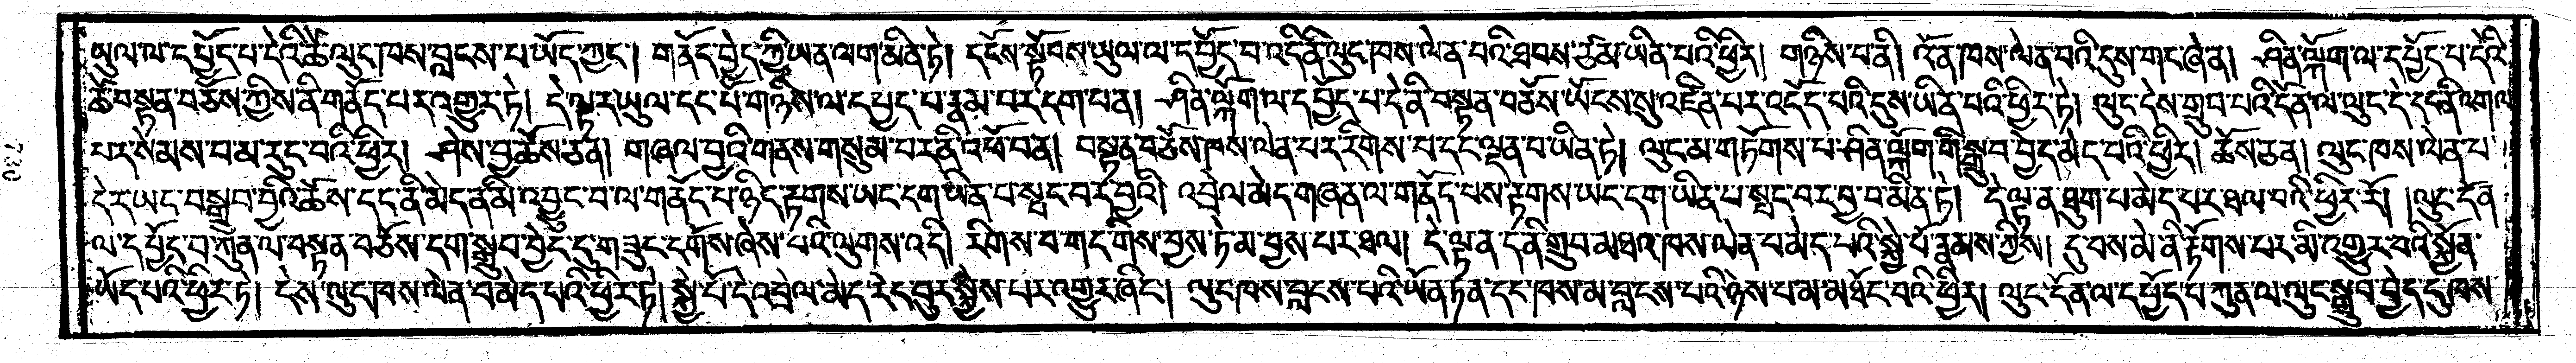ཡུལ་ལ་དཔྱོད་པ་དེའི་ཚེ་ལུང་ཁས་བླངས་པ་ཡོད་ཀྱང་། གནོད་བྱེད་ཀྱི་ཡན་ལག་མིན་ཏེ། དངོས་སྟོབས་ཡུལ་ལ་དཔྱོད་པ་འདི་ནི་ལུང་ཁས་ལེན་པའི་ཐབས་ཙམ་ཡིན་པའི་ཕྱིར། གཉིས་པ་ནི། འོ་ན་ཁས་ལེན་བའི་དུས་གང་ཞེ་ན། ཤིན་ལྐོག་ལ་དཔྱོད་པ་དེའི་
ཚེ་བསྟན་བཅོས་ཀྱིས་ནི་གནོད་པར་འགྱུར་ཏེ། དེ་ལྟར་ཡུལ་དང་པོ་གཉིས་ལ་དཔྱད་པ་རྣམ་པར་དག་པ་ན། ཤིན་ལྐོག་ལ་དཔྱོད་པ་དེ་ནི་བསྟན་བཅོས་ཡོངས་སུ་འཛིན་པར་འདོད་པའི་དུས་ཡིན་པའི་ཕྱིར་ཏེ། ལུང་དེས་གྲུབ་པའི་དོན་ལ་ལུང་དེ་དང་ནི་འགལ་
པར་སེམས་བ་མ་རུང་བའི་ཕྱིར། ཤེས་བྱ་ཆོས་ཅན། གཞལ་བྱའི་གནས་གསུམ་པར་ནི་འཕོ་བ་ན། བསྟན་བཅོས་ཁས་ལེན་པར་རིགས་པ་དང་ལྡན་པ་ཡིན་ཏེ། ལུང་མ་གཏོགས་པ་ཤིན་ལྐོག་གི་སྒྲུབ་བྱེད་མེད་པའི་ཕྱིར། ཆོས་ཅན། ལུང་ཁས་ལེན་པ་
དེར་ཡང་བསྒྲུབ་བྱའི་ཆོས་དང་ནི་མེད་ན་མི་འབྱུང་བ་ལ་གནོད་པ་ཉིད་རྟགས་ཡང་དག་ཡིན་པ་སྤང་བར་བྱའི། འབྲེལ་མེད་གཞན་ལ་གནོད་པས་རྟགས་ཡང་དག་ཡིན་པ་སྤང་བར་བྱ་བ་མིན་ཏེ། དེ་ལྟ་ན་ཐུག་པ་མེད་པར་ཐལ་བའི་ཕྱིར་རོ། །ལུང་དོན་
ལ་དཔྱོད་པ་ཀུན་ལ་བསྟན་བཅོས་དག་སྒྲུབ་བྱེད་དུ་གཟུང་དགོས་ཞེས་པའི་ལུགས་འདི། རིགས་བ་གང་གིས་བྱས་ཏེ་མ་བྱས་པར་ཐལ། དེ་ལྟ་ན་ད་ནི་གྲུབ་མཐའ་ཁས་ལེན་པ་མེད་པའི་སྐྱེ་པོ་རྣམས་ཀྱིས། དུ་བས་མེ་ནི་རྟོགས་པར་མི་འགྱུར་བའི་སྐྱོན་
ཡོད་པའི་ཕྱིར་ཏེ། དེས་ལུང་ཁས་ལེན་བ་མེད་པའི་ཕྱིར་ཏེ། སྐྱེ་པོ་དེ་འབྲེལ་མེད་རེང་བུར་སྐྱེས་པར་འགྱུར་ཞིང་། ལུང་ཁས་བླངས་པ་ཡོན་ཏེན་དང་ཁས་མ་བླངས་པའི་ཉེས་པ་མ་མཐོང་བའི་ཕྱིར། ལུང་དོན་དཔྱོད་པ་ཀུན་ལ་ལུང་སྒྲུབ་བྱེད་དུ་ཁས་